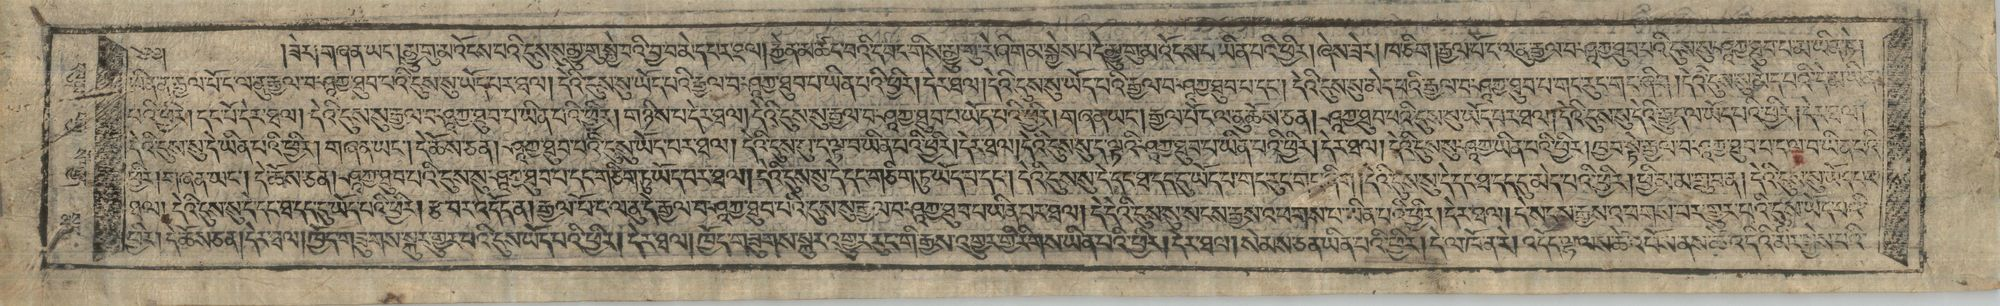༄༅། །ཟེར། གཞན་ཡང་། མྱུ་གུ་མ་འོངས་པའི་དུས་སུ་མྱུ་གུ་སྐྱེ་བའི་བྱ་བ་མེད་པར་ཐལ། རྐྱེན་མ་ཚང་བའི་དབང་གིས་མྱུ་གུ་རེ་ཞིག་མ་སྐྱེས་བ་དེ་མྱུ་གུ་མ་འོངས་པ་ཡིན་པའི་ཕྱིར། ཞེས་ཟེར། ཁ་ཅིག །རྒྱལ་པོ་ང་ལ་ནུ་རྒྱལ་བ་ཤཱཀྱ་ཐུབ་པའི་དུས་སུ་ཤཱཀྱ་ཐུབ་པ་མ་ཡིན་ཏེ།
ཡིན་ན་རྒྱལ་པོ་ང་ལ་ནུ་རྒྱལ་བ་ཤཱཀྱ་ཐུབ་པའི་དུས་སུ་ཡོད་པར་ཐལ། དེའི་དུས་སུ་ཡོད་པའི་རྒྱལ་བ་ཤཱཀྱ་ཐུབ་པ་ཡིན་པའི་ཕྱིར། དེར་ཐལ། དེའི་དུས་སུ་ཡོད་པའི་རྒྱལ་བ་ཤཱཀྱ་ཐུབ་པ་དང་། དེའི་དུས་སུ་མེད་པའི་རྒྱལ་བ་ཤཱཀྱ་ཐུབ་པ་གང་རུང་གང་ཞིག །དེའི་དུས་སུ་མེད་པའི་དེ་མ་ཡིན་
པའི་ཕྱིར། དང་པོ་དེར་ཐལ། དེའི་དུས་སུ་རྒྱལ་བ་ཤཱཀྱ་ཐུབ་པ་ཡིན་པའི་ཕྱིར། གཉིས་པ་དེར་ཐལ། དེའི་དུས་སུ་རྒྱལ་བ་ཤཱཀྱ་ཐུབ་པ་ཡོད་པའི་ཕྱིར། གཞན་ཡང་། རྒྱལ་པོ་ང་ལ་ནུ་ཆོས་ཅན། ཤཱཀྱ་ཐུབ་པའི་དུས་སུ་ཡོད་པར་ཐལ། དེའི་དུས་སུ་དེའི་རྒྱུད་ལ་ཡོད་པའི་ཕྱིར། དེར་ཐལ།
དེའི་དུས་སུ་དེ་ཡིན་པའི་ཕྱིར། གཞན་ཡང་། དེ་ཆོས་ཅན། ཤཱཀྱ་ཐུབ་པའི་དུས་སུ་ཡོད་པར་ཐལ། དེའི་དུས་སུ་ད་ལྟ་བ་ཡིན་པའི་ཕྱིར། དེར་ཐལ། དེའི་དུས་སུ་ད་ལྟའི་ཤཱཀྱ་ཐུབ་པ་ཡིན་པའི་ཕྱིར། དེར་ཐལ། དེའི་དུས་སུ་ཤཱཀྱ་ཡིན་པའི་ཕྱིར། ཁྱབ་སྟེ་རྒྱལ་བ་ཤཱཀྱ་ཐུབ་པ་ད་ལྟ་བ་ཡིན་པའི་
ཕྱིར། གཞན་ཡང་། དེ་ཆོས་ཅན། ཤཱཀྱ་ཐུབ་པའི་དུས་སུ་ཤཱཀྱ་ཐུབ་པ་དང་གཅིག་ཏུ་ཡོད་པར་ཐལ། དེའི་དུས་སུ་དེ་དང་གཅིག་ཏུ་ཡོད་པ་དང་། དེའི་དུས་སུ་དེ་དང་ཐ་དད་དུ་ཡོད་པ་གང་རུང་གང་ཞིག །དེའི་དུས་སུ་དེ་དང་ཐ་དད་དུ་མེད་པའི་ཕྱིར། ཕྱི་མ་མ་གྲུབ་ན། དེའི་དུས་སུ་ཡོད་པར་
ཐལ། དེའི་དུས་སུ་དེ་དང་ཐ་དད་དུ་ཡོད་པའི་ཕྱིར། རྩ་བར་འདོད་ན། རྒྱལ་པོ་ང་ལ་ནུ་དེ་རྒྱལ་བ་ཤཱཀྱ་ཐུབ་པའི་དུས་སུ་རྒྱལ་བ་ཤཱཀྱ་ཐུབ་པ་ཡིན་པར་ཐལ། དེ་དེའི་དུས་སུ་སངས་རྒྱས་འཕགས་པ་ཡིན་པའི་ཕྱིར། དེར་ཐལ། དེ་སངས་རྒྱས་འཕགས་པར་གྱུར་པའི་དུས་ཡོད་པའི་
ཕྱིར། དེ་ཆོས་ཅན། དེར་ཐལ། ཁྱོད་གཟུགས་སྐུར་གྱུར་པའི་དུས་ཡོད་པའི་ཕྱིར། དེར་ཐལ། ཁྱོད་གཟུགས་སྐུར་འགྱུར་རུང་གི་རྒྱས་འགྱུར་གྱི་རིགས་ཡིན་པའི་ཕྱིར། དེར་ཐལ། སེམས་ཅན་ཡིན་པའི་ཕྱིར། དེ་ལ་ཁོ་ན་རེ། འདོད་ལྷ་ལས་ཚེ་འབོསྣས་ཚེ་འདིའི་མིར་སྐྱེས་པའི་